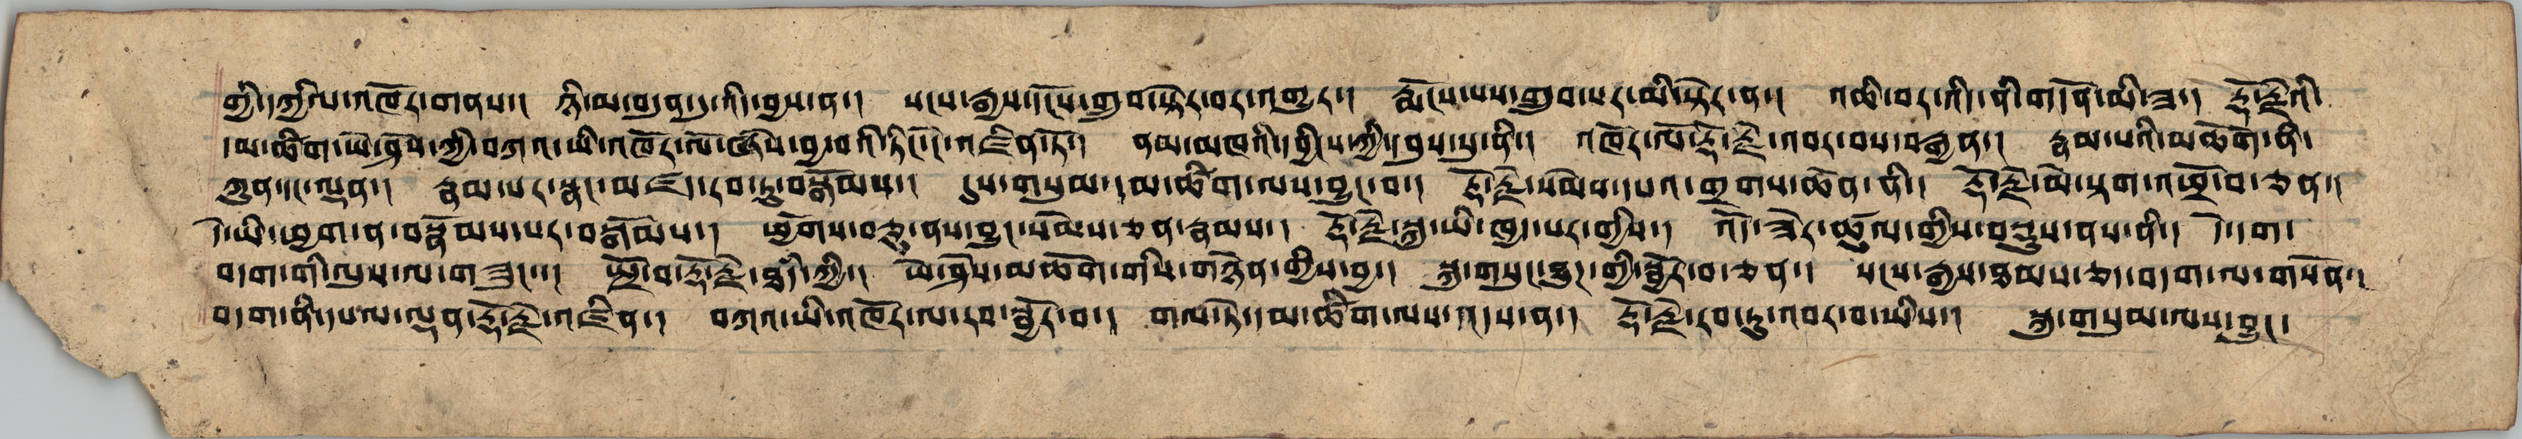གྱི་དཀྱིལ་འཁོར་གནས་། ཉི་མ་བདུན་དུ་འདི་བྱས་ན་། སངས་རྒྱས་དངོས་གྲུབ་སྟེར་བར་འགྱུར་། རྨོངས་པས་གྲུབ་པར་མི་སྟེར་ན་། འཆི་བར་འདི་ནི་གདོན་མི་ཟ་། རྡོ་རྗེའི་
དམ་ཚིག་ཡེ་ཤེས་ཀྱི་བཀའ་ཡི་འཁོར་ལོ་ཞེས་བྱ་བའི་ཏིང་ངེ་འཛིན་ཏོ་། ནམ་མཁའི་དབྱིངས་ཀྱི་དབུས་སུ་ནི་། འཁོར་ལོ་རྡོ་རྗེ་འབར་བས་བརྒྱན་། རྣམ་པའི་མཆོག་ནི་
ཀུན་དང་ལྡན་། རྣམ་པར་སྣང་མཛད་རབ་ཏུ་བསྒོམས་། དུས་གསུམ་དམ་ཚིག་ལས་བྱུང་བ་། རྡོ་རྗེ་སེམས་དཔའ་གྲགས་ཆེན་ནི་། རྡོ་རྗེ་མེ་སྟག་འཕྲོ་བ་ཅན་།
དེ་ཡི་ཕྱག་ན་བསྣོམས་པར་བསྒོམས་། ཕྱོགས་བཅུ་ནས་བྱུང་སེམས་ཅན་རྣམས་། རྡོ་རྗེ་སྐུ་ཡི་ཁྱད་པར་གྱིས་། འོད་ཟེར་ཚུལ་གྱིས་བསྡུས་ནས་ནི་། དེ་དག་
བདག་གི་ལུས་ལ་གཟུང་་། སྤྲོ་བ་རྡོ་རྗེ་ཐཾད་ཀྱི་། ཡེ་ཤེས་མཆོག་གིས་གཉེན་གྱིས་བྱ་། སྐུ་གསུང་ཐུཌ་གྱི་སྦྱོར་བ་ཅན་། སངས་རྒྱས་ཐམས་ཅད་བདག་ལ་གསོན་།
བདག་ནི་དཔལ་ལྡན་རྡོ་རྗེ་འཛིན་། བཀའ་ཡི་འཁོར་ལོ་རབ་སྦྱོར་བ་། གལ་ཏེ་དམ་ཚིག་ལས་འདས་ན་། རྡོ་རྗེ་རབ་ཏུ་འབར་བ་ཡིས་། སྐུ་གསུམ་ལས་བྱུང་